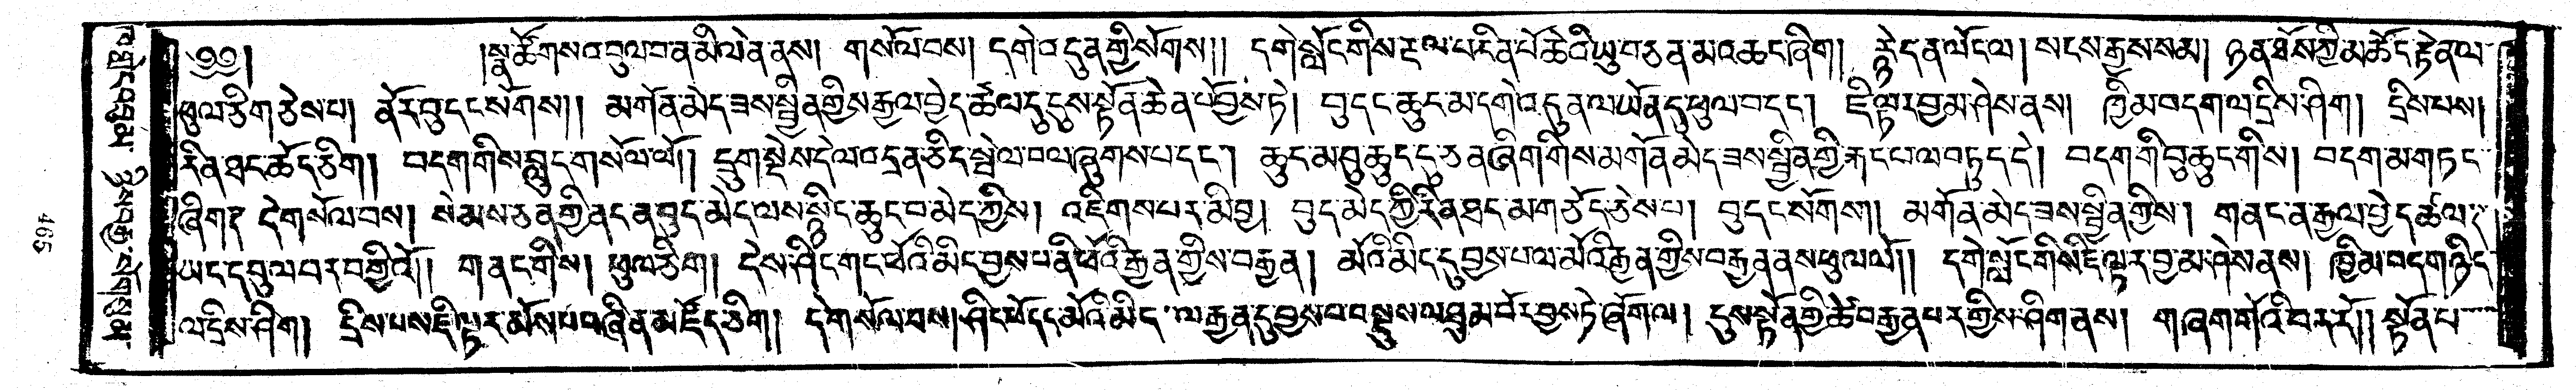༄༅། །སྣ་ཚོགས་འབུལ་བ་ན་མི་ལེན་ནས། གསོལ་བས། དགེ་འདུན་གྱི་སོགས།། དགེ་སློང་གིས་རྔལ་པ་རིན་པོ་ཆེའི་ཡུ་བ་ཅན་མ་འཆང་ཞིག། རྙེད་ན་ལོང་ལ། སངས་རྒྱས་སམ། ཉན་ཐོས་ཀྱི་མཆོད་རྟེན་ལ་
ཕུལ་ཅིག་ཅེས་པ། ནོར་བུ་དང་སོགས།། མགོན་མེད་ཟས་སྦྱིན་གྱིས་རྒྱལ་བྱེད་ཚལ་དུ་དུས་སྟོན་ཆེན་པོ་བྱས་ཏེ། བུ་དང་ཆུང་མ་དགེ་འདུན་ལ་ཡོན་དུ་ཕུལ་བ་དང་། ཇི་ལྟར་བྱ་མ་ཤེས་ནས། ཁྱིམ་བདག་ལ་དྲིས་ཤིག། དྲིས་པས།
རིན་ཐང་ཆོད་ཅིག། བདག་གིས་བླུད་གསོལ་ལོ།། དྲུག་སྡེས་དེ་ལ་འདྲན་ཅིང་སྦེལ་བ་ལ་ཞུགས་པ་དང་། ཆུང་མ་བུ་ཆུང་དུ་ཅན་ཞིག་གིས་མགོན་མེད་ཟས་སྦྱིན་གྱི་རྐང་པ་ལ་བཏུད་དེ། བདག་གི་བུ་ཆུང་གིས། བདག་མ་གཏང་
ཞིག༑ དེ་གསོལ་བས། སེམས་ཅན་གྱི་ནང་ན་བུད་མེད་ལས་སྙིང་ཆུང་བ་མེད་ཀྱིས། འཇིགས་པར་མི་བྱ། བུད་མེད་ཀྱི་རིན་ཐང་མ་གཅོད་ཅེས་པ། བུ་དང་སོགས། མགོན་མེད་ཟས་སྦྱིན་གྱིས། གནང་ན་རྒྱལ་བྱེད་ཚལ༑
ཡང་དབུལ་བར་བགྱིའོ།། གནང་གིས། ཕུལ་ཅིག། དེས་ཤིང་གང་ཕོའི་མིང་བྱས་པ་ནི་ཕོའི་རྒྱན་གྱིས་བརྒྱན། མོའི་མིང་དུ་བྱས་པ་ལ་མོའི་རྒྱན་གྱིས་བརྒྱན་ནས་ཕུལ་ལོ།། དགེ་སློང་གིས་ཇི་ལྟར་བྱ་མ་ཤེས་ནས། ཁྱིམ་བདག་ཉིད་
ལ་དྲིས་ཤིག། དྲིས་པས་ཇི་ལྟར་མོས་པ་བཞིན་མཛོད་ཅིག། དེ་གསོལ་བས། ཤིང་ཕོ་དང་མོའི་མིང་ལ་རྒྱན་དུ་བྱས་པ་བསྡུས་འཐུམ་པོར་བྱས་ཏེ་ཞོག་ལ། དུས་སྟོན་གྱི་ཚེ་བརྒྱན་པར་གྱིས་ཤིག་ནས། གཞག་གོའི་བར་རོ། །སྟོན་པ་